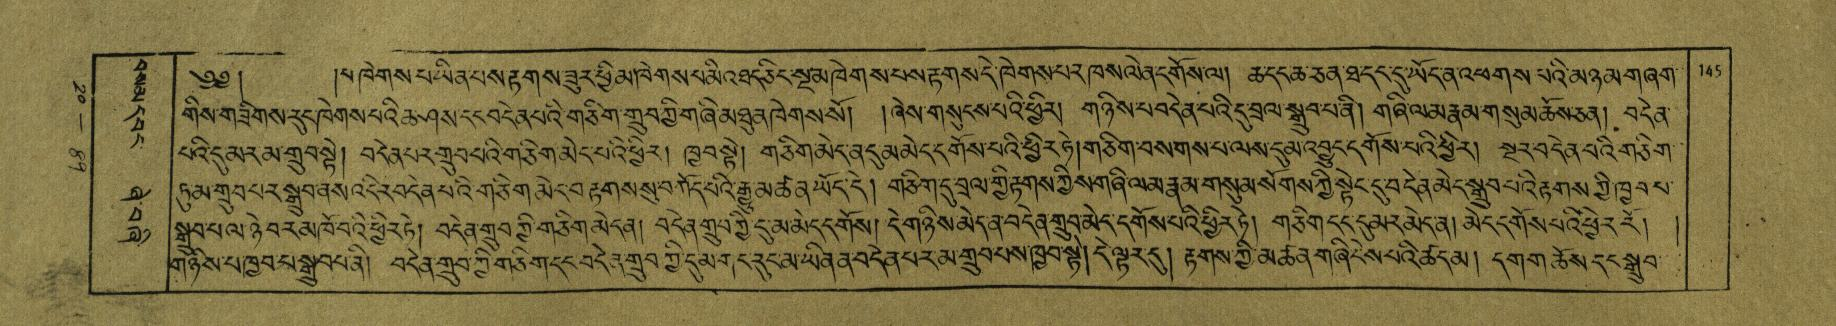༄༅། །པ་ཁེགས་པ་ཡིན་པས་རྟགས་ཟུར་ཕྱི་མ་ཁེགས་པ་མི་འཐད་ཅིང་སྔ་མ་ཁེགས་པས་རྟགས་དེ་ཁེགས་པར་ཁས་ལེན་དགོས་ལ། ཆ་དང་ཆ་ཅན་ཐ་དད་དུ་ཡོད་ན་འཕགས་པའི་མཉམ་གཞག་
གིས་གཟིགས་རུང་ཁེགས་པའི་ཆ་ཤས་དང་བདེན་པའི་གཅིག་གྲུབ་ཀྱི་གཞི་མཐུན་ཁེགས་སོ། །ཞེས་གསུངས་པའི་ཕྱིར། གཉིས་པ་བདེན་པའི་དུ་བྲལ་སྒྲུབ་པ་ནི། གཞི་ལམ་རྣམ་གསུམ་ཆོས་ཅན། བདེན་
པའི་དུ་མར་མ་གྲུབ་སྟེ། བདེན་པར་གྲུབ་པའི་གཅིག་མེད་པའི་ཕྱིར། ཁྱབ་སྟེ། གཅིག་མེད་ན་དུ་མ་མེད་དགོས་པའི་ཕྱིར་ཏེ། གཅིག་བསགས་པ་ལས་དུ་མ་འབྱུང་དགོས་པའི་ཕྱིར། སྔར་བདེན་པའི་གཅིག་
ཏུ་མ་གྲུབ་པར་སྒྲུབ་ནས་འདིར་བདེན་པའི་གཅིག་མེད་བ་རྟགས་སུ་བཀོད་པའི་རྒྱུ་མཚན་ཡོད་དེ། གཅིག་དུ་བྲལ་གྱི་རྟགས་ཀྱིས་གཞི་ལམ་རྣམ་གསུམ་སོགས་ཀྱི་སྟེང་དུ་བདེན་མེད་སྒྲུབ་པའི་རྟགས་ཀྱི་ཁྱབ་པ་
སྒྲུབ་པ་ལ་ཉེ་བར་མཁོ་བའི་ཕྱིར་ཏེ། བདེན་གྲུབ་ཀྱི་གཅིག་མེད་ན། བདེན་གྲུབ་ཀྱི་དུ་མ་མེད་དགོས། དེ་གཉིས་མེད་ན་བདེན་གྲུབ་མེད་དགོས་པའི་ཕྱིར་ཏེ། གཅིག་དང་དུ་མར་མེད་ན། མེད་དགོས་པའི་ཕྱིར་རོ། །
གཉིས་པ་ཁྱབ་པ་སྒྲུབ་པ་ནི། བདེན་གྲུབ་ཀྱི་གཅིག་དང་བདེན་གྲུབ་ཀྱི་དུ་མ་གང་རུང་མ་ཡིན་ན་བདེན་པར་མ་གྲུབ་པས་ཁྱབ་སྟེ། དེ་ལྟར་དུ། རྟགས་ཀྱི་མཚན་གཞི་ངེས་པའི་ཚད་མ། དགག་ཆོས་དང་སྒྲུབ་